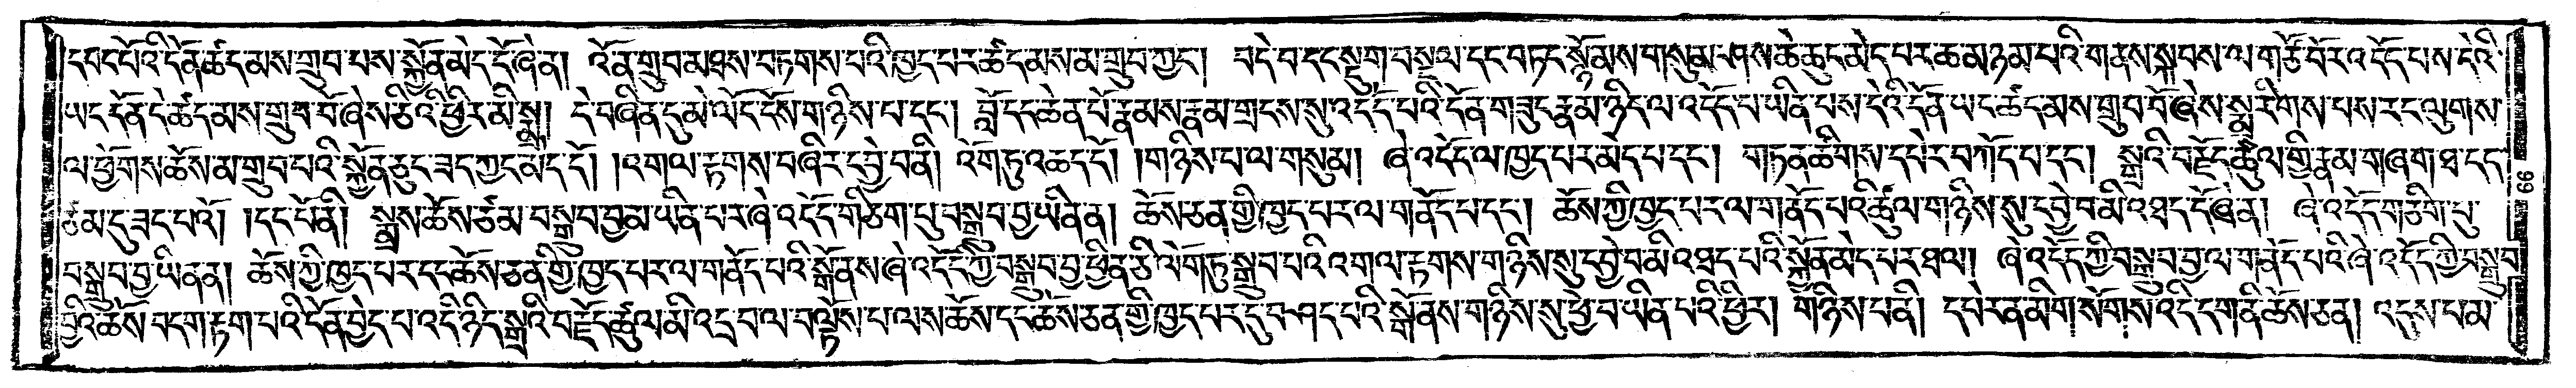དབང་པོའི་དོན་ཚད་མས་གྲུབ་པས་སྐྱོན་མེད་དོ་ཞེ་ན། འོ་ན་གྲུབ་མཐས་བཏགས་པའི་ཁྱད་པར་ཚད་མས་མ་གྲུབ་ཀྱང་། བདེ་བ་དང་སྡུག་བསྔལ་དང་བཏང་སྙོམས་གསུམ་ཤས་ཆེ་ཆུང་མེད་བར་ཆ་མཉམ་པའི་གནས་སྐབས་ལ་གཙོ་བོར་འདོད་པས་དེའི་
ཡང་དོན་དེ་ཚད་མས་གྲུབ་བོ་ཞེས་ཅིའི་ཕྱིར་མི་སྨྲ། དེ་བཞིན་དུ་མེ་ལོང་ངོས་གཉིས་པ་དང་། བློ་དང་ཆེན་པོ་རྣམས་རྣམ་གྲངས་སུ་འདོད་པའི་དོན་གཟུང་རྣམ་ཉིད་ལ་འདོད་པ་ཡིན་པས་དེའི་དོན་ཡང་ཚད་མས་གྲུབ་བོ་ཞེས་སྨྲ་རིགས་པས་རང་ལུགས་
ལ་ཕྱོགས་ཆོས་མ་གྲུབ་པའི་སྐྱོན་ཅུང་ཟད་ཀྱང་མེད་དོ། །འགལ་རྟགས་བཞིར་དབྱེ་བ་ནི། འོག་ཏུ་འཆད་དོ། །གཉིས་པ་ལ་གསུམ། ཞེ་འདོད་ལ་ཁྱད་པར་མེད་པ་དང་། གཏན་ཚིགས་དཔེར་བཀོད་པ་དང་། སྒྲའི་བརྗོད་ཚུལ་གྱི་རྣམ་གཞག་ཐ་དད་
ཙམ་དུ་ཟང་པའོ། །དང་པོ་ནི། སྨྲས་ཆོས་ཙམ་བསྒྲུབ་བྱ་མ་ཡིན་པར་ཞེ་འདོད་གཅིག་པུ་བསྒྲུབ་བྱ་ཡིན་ན། ཆོས་ཅན་གྱི་ཁྱད་པར་ལ་གནོད་པ་དང་། ཆོས་ཀྱི་ཁྱད་པར་ལ་གནོད་པའི་ཚུལ་གཉིས་སུ་དབྱེ་བ་མི་འཐད་དོ་ཞེ་ན། ཞེ་འདོད་གཅིག་པུ་
བསྒྲུབ་བྱ་ཡིན་ན། ཆོས་ཀྱི་ཁྱད་པར་དང་ཆོས་ཅན་གྱི་ཁྱད་པར་ལ་གནོད་པའི་སྒོ་ནས་ཞེ་འདོད་ཀྱི་བསྒྲུབ་བྱ་ཕྱིན་ཅི་ལོག་ཏུ་སྒྲུབ་པའི་འགལ་རྟགས་གཉིས་སུ་དབྱེ་བ་མི་འཐད་པའི་སྐྱོན་མེད་པར་ཐལ། ཞེ་འདོད་ཀྱི་བསྒྲུབ་བྱ་ལ་གནོད་པའི་ཞེ་འདོད་ཀྱི་བསྒྲུབ་
བྱའི་ཆོས་བདག་རྟག་པའི་དོན་བྱེད་པ་འདི་ཉིད་སྒྲའི་བརྗོད་ཚུལ་མི་འདྲ་བ་ལ་བལྟོས་པ་ལས་ཆོས་དང་ཆོས་ཅན་གྱི་ཁྱད་པར་དུ་བཤད་པའི་སྒོ་ནས་གཉིས་སུ་ཕྱེ་བ་ཡིན་པའི་ཕྱིར། གཉིས་པ་ནི། དཔེར་ན་མིག་སོགས་འདི་དག་ནི་ཆོས་ཅན། འདུས་པ་མ་